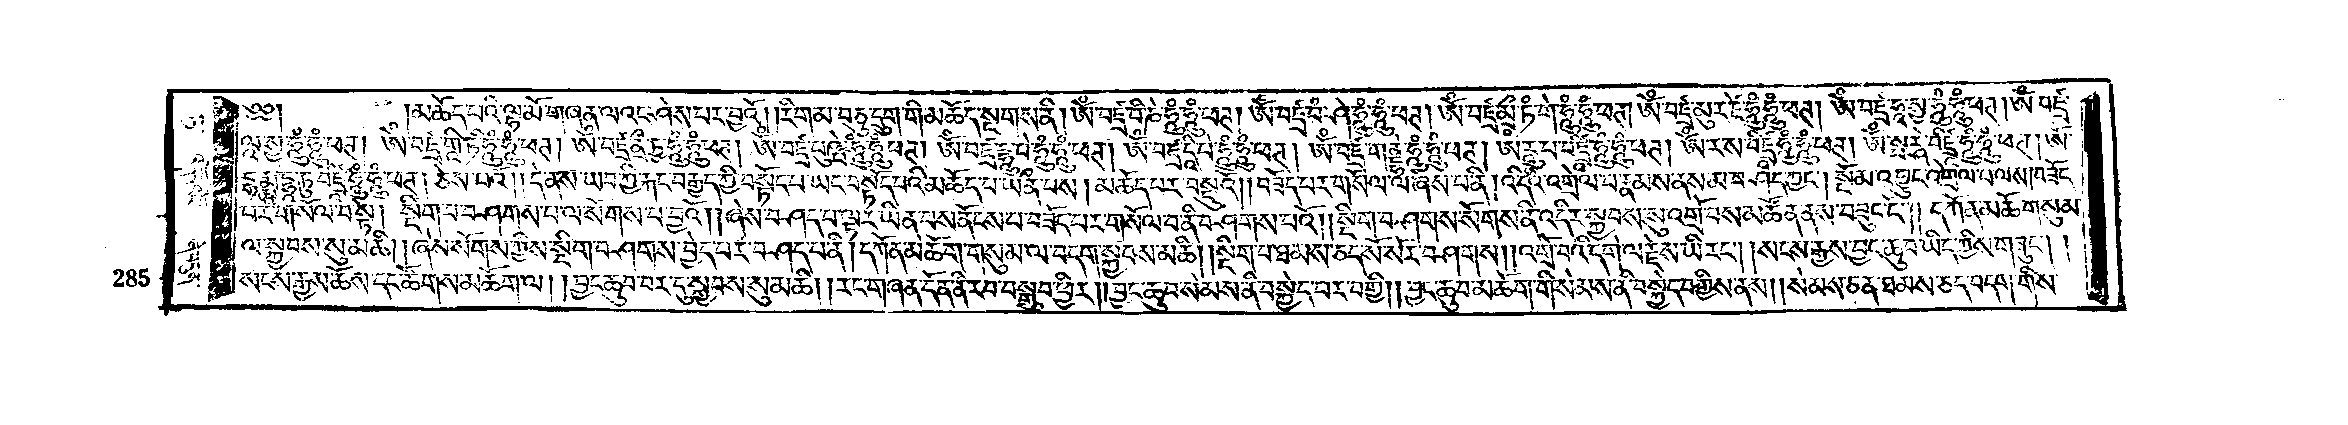༄༅། །མཆོད་པའི་ལྷ་མོ་གཞན་ལའང་ཤེས་པར་བྱའོ། །རིག་མ་བཅུ་དྲུག་གི་མཆོད་སྔགས་ནི། ཨོཾ་བཛྲ་བི་ཎེ་ཧཱུཾ་ཧཱུཾ་ཕཊ། ཨོཾ་བཛྲ་བཾ་ཤེ་ཧཱུཾ་ཧཱུཾ་ཕཊ། ཨོཾ་བཛྲ་མྲྀ་ཏཾ་གེ་ཧཱུཾ་ཧཱུཾ་ཕཊ། ཨོཾ་བཛྲ་མུ་ར་ཛེ་ཧཱུཾ་ཧཱུཾ་ཕཊ། ཨོཾ་བཛྲ་ཧཱ་སྱ་ཧཱུཾ་ཧཱུཾ་ཕཊ། ཨོཾ་བཛྲ་
ལཱ་སྱ་ཧཱུཾ་ཧཱུཾ་ཕཊ། ཨོཾ་བཛྲ་གཱི་ཏི་ཧཱུཾ་ཧཱུཾ་ཕཊ། ཨོཾ་བཛྲ་ནྲྀ་ཏྱ་ཧཱུཾ་ཧཱུཾ་ཕཊ། ཨོཾ་བཛྲ་པུཥྤེ་ཧཱུཾ་ཧཱུཾ་ཕཊ། ཨོཾ་བཛྲ་དྷཱུ་པེ་ཧཱུཾ་ཧཱུཾ་ཕཊ། ཨོཾ་བཛྲ་དཱི་པ་ཧཱུཾ་ཧཱུཾ་ཕཊ། ཨོཾ་བཛྲ་གནྡྷེ་ཧཱུཾ་ཧཱུཾ་ཕཊ། ཨོཾ་རཱུ་པ་བཛྲི་ཧཱུཾ་ཧཱུཾ་ཕཊ། ཨོཾ་ར་ས་བཛྲི་ཧཱུཾ་ཧཱུཾ་ཕཊ། ཨོཾ་སྤར་ཤེ་བཛྲི་ཧཱུཾ་ཧཱུཾ་ཕཊ། ཨོཾ་
དྷརྨཱ་དྷཱ་ཏུ་བཛྲཱི་ཧཱུཾ་ཧཱུཾ་ཕཊ། ཅེས་པའོ། །དེ་ནས་ཡབ་ཀྱི་རྐང་བརྒྱད་ཀྱི་བསྟོད་པ་ཡང་བསྟོད་པའི་མཆོད་པ་ཡིན་པས། མཆོད་པར་བསྡུའོ། །བཟོད་པར་གསོལ་ལ་ཞེས་པ་ནི། འདིའི་འགྲེལ་པ་རྣམས་ནས་མ་བཤད་ཀྱང་། སྡོམ་འབྱུང་འགྲེལ་པ་ལས། བཟོད་
པར་གསོལ་བ་སྟེ། སྡིག་པ་བཤགས་པ་ལ་སོགས་པ་བྱའོ། །ཞེས་བཤད་པ་ལྟར་ཡིན་པས་ནོངས་པ་བཟོད་པར་གསོལ་བ་ནི་བཤགས་པའོ། །སྡིག་བཤགས་སོགས་ནི་འདིར་སྐྱབས་སུ་འགྲོ་བས་མཚོན་ནས་བཟུང་ངོ། །དཀོན་མཆོག་གསུམ་
ལ་སྐྱབས་སུ་མཆི། །ཞེས་སོགས་ཀྱིས་སྡིག་བཤགས་བྱེད་པར་བཤད་པ་ནི། དཀོན་མཆོག་གསུམ་ལ་བདག་སྐྱབས་མཆི། །སྡིག་པ་ཐམས་ཅད་སོ་སོར་བཤགས། །འགྲོ་བའི་དགེ་ལ་རྗེས་ཡི་རང་། །སངས་རྒྱས་བྱང་ཆུབ་ཡིད་ཀྱིས་གཟུང་། །
སངས་རྒྱས་ཆོས་དང་ཚོགས་མཆོག་ལ། །བྱང་ཆུབ་བར་དུ་སྐྱབས་སུ་མཆི། །རང་གཞན་དོན་ནི་རབ་བསྒྲུབ་ཕྱིར། །བྱང་ཆུབ་སེམས་ནི་བསྐྱེད་པར་བགྱི། །བྱང་ཆུབ་མཆོག་གི་སེམས་ནི་བསྐྱེད་བགྱིས་ནས། །སེམས་ཅན་ཐམས་ཅད་བདག་གིས་